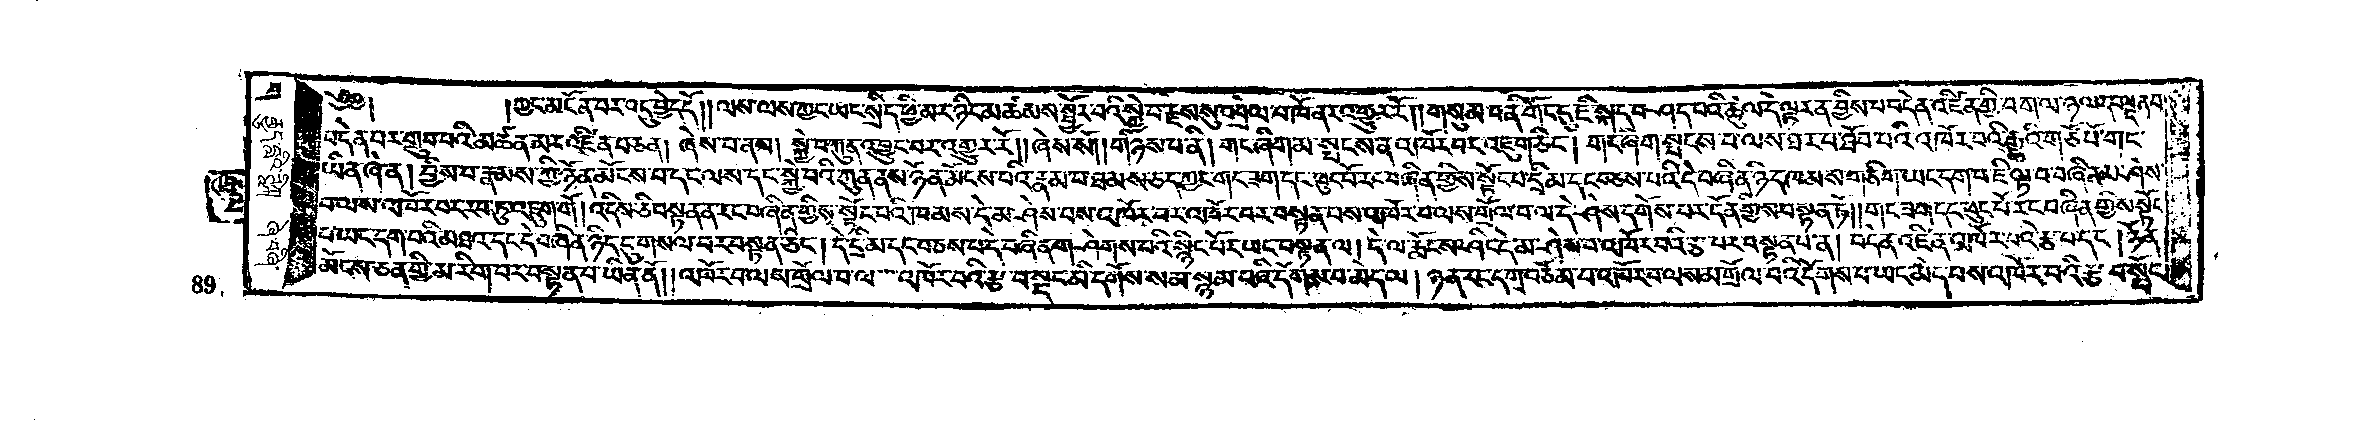༄༅། །ཀྱང་མངོན་པར་འདུ་བྱེད་དོ། །ལས་ལས་ཀྱང་ཡང་སྲིད་ཕྱི་མར་ཉིད་མཚམས་སྦྱོར་བའི་སྐྱེ་བ་རྗེས་སུ་འབྲེལ་བ་ཁོ་ནར་འགྱུར་རོ། །གསུམ་པ་ནི་གོང་དུ་ཇི་སྐད་བཤད་པའི་ཚུལ་དེ་ལྟར་ན་བྱིས་པ་བདེན་འཛིན་གྱི་བག་ལ་ཉལ་དང་ལྡན་པ་
བདེན་པར་གྲུབ་པའི་མཚན་མར་འཛིན་པ་ཅན། ཞེས་པ་ནས། སྐྱེ་བ་ཀུན་འབྱུང་བར་འགྱུར་རོ། །ཞེས་སོ། །གཉིས་པ་ནི། གང་ཞིག་མ་སྤངས་ན་འཁོར་བར་འཇུག་ཅིང་། གང་ཞིག་སྤངས་པ་ལས་ཐར་པ་ཐོབ་པའི་འཁོར་བའི་རྒྱུའི་གཙོ་བོ་གང་
ཡིན་ཞེ་ན། བྱིས་པ་རྣམས་ཀྱི་ཉོན་མོངས་པ་དང་ལས་དང་སྐྱེ་བའི་ཀུན་ནས་ཉོན་མོངས་པའི་རྣམ་པ་ཐམས་ཅད་ཀྱང་གང་ཟག་དང་ཕུང་པོ་རང་བཞིན་གྱིས་སྟོང་པ་དྲི་མ་དང་བཅས་པའི་དེ་བཞིན་ཉིད་ཁམས་གཅིག་ཡང་དག་པ་ཇི་ལྟ་བ་བཞིན་མ་ཤེས་
པ་ལས་འཁོར་བར་རབ་ཏུ་འཇུག་གོ། །འདིས་ཅི་བསྟན་ན་རང་བཞིན་གྱིས་སྟོང་པའི་ཁམས་དེ་མ་ཤེས་པས་འཁོར་བར་འཁོར་བར་བསྟན་པས་འཁོར་བ་ལས་གྲོལ་བ་ལ་དེ་ཤེས་དགོས་པར་དོན་གྱིས་བསྟན་ཏོ། །གང་ཟག་དང་ཕུང་པོ་རང་བཞིན་གྱིས་སྟོང་
པ་ཡང་དག་པའི་མཐའ་དང་དེ་བཞིན་ཉིད་དུ་གསལ་བར་བསྟན་ཅིང་། དེ་དྲི་མ་དང་བཅས་པ་དེ་བཞིན་གཤེགས་པའི་སྙིང་པོར་ཡང་བསྟན་ལ། དེ་ལ་རྨོངས་ཤིང་དེ་མ་ཤེས་པ་འཁོར་བའི་རྩ་བ་བསྟན་པ་ནི། བདེན་འཛིན་འཁོར་བའི་རྩ་བ་དང་། ཉོན་
མོངས་ཅན་གྱི་མ་རིག་པར་བསྟན་པ་ཡིན་ནོ། །འཁོར་བ་ལས་གྲོལ་བ་ལ་འཁོར་བའི་རྩ་བ་སྡང་མི་དགོས་སམ་སྙམ་པའི་དོགས་པ་མེད་ལ། ཉན་རང་དགྲ་བཅོམ་པ་འཁོར་བ་ལས་མ་གྲོལ་བའི་དོགས་པ་ཡང་མེད་པས་འཁོར་བའི་རྩ་བ་སྤོང་